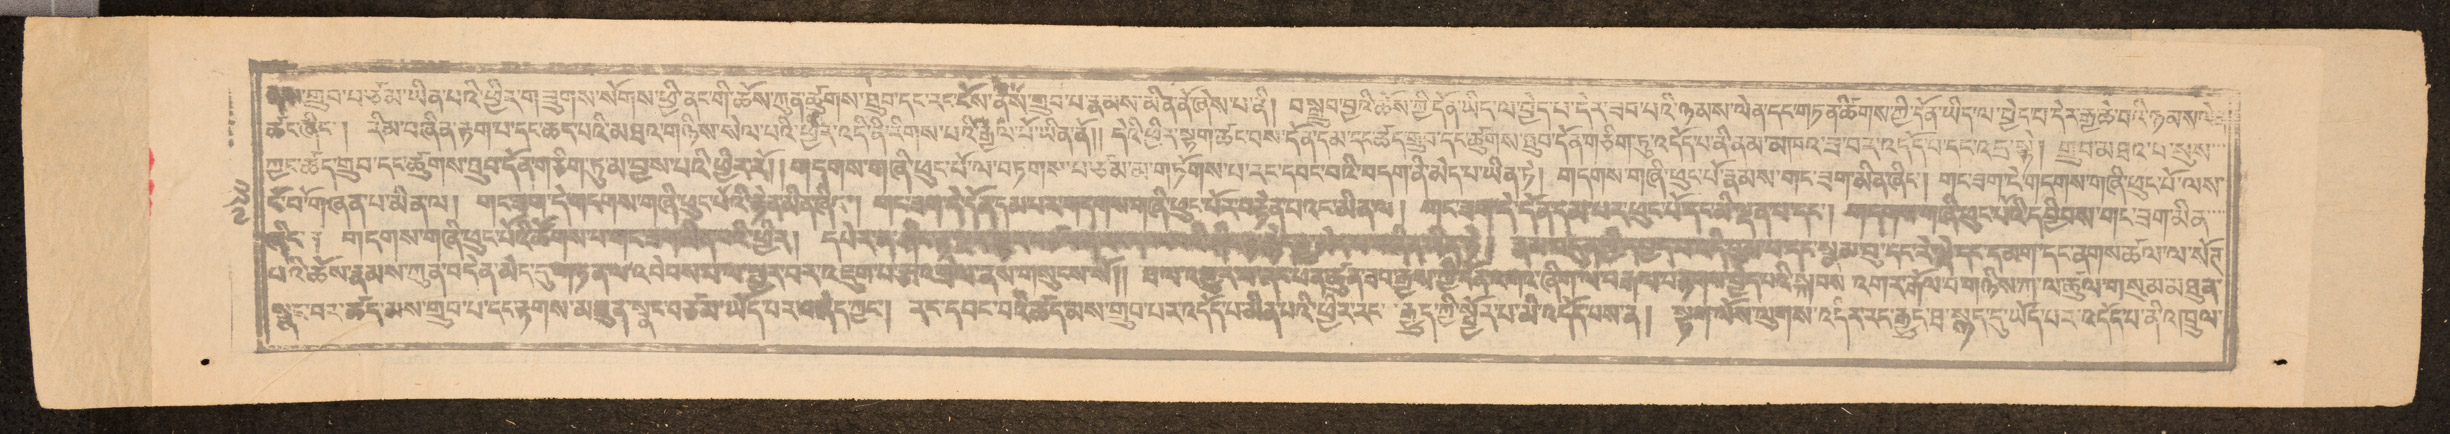གཉིས་ཡོད་དོ། །དགོངས་འགྲེལ་ནས་བཤད་པའི་འཁོར་ལོ་ཐོག་མ་དང་མཐའ་མ་ནི་སྒྲ་ཇི་བཞིན་པ་མིན་པའི་དྲང་དོན་གྱི་མདོ་དང་དེར་བཤད་པའི་འཁོར་ལོ་བར་བ་ནི་སྒྲ་ཇི་བཞིན་པའི་ངེས་དོན་གྱི་མདོ་ཡིན་པས་ན། སྐབས་འདིར་
དགོངས་འགྲེལ་གྱིས་དྲང་ངེས་ཕྱེ་བ་ལྟར་ཁས་བླང་དུ་མི་རུང་ངོ། །ལང་གཤེགས་དང་དགོངས་འགྲེལ་དང་རྒྱན་སྟུག་པོ་བཀོད་པ་ལ་སོགས་པའི་གཞུང་ཚིག་ཏུ་གྱུར་བའི་མདོ་ཚན་པ་ལྔས། སེམས་མ་གཏོགས་པའི་བྱེད་པ་པོ་གཞན་མེད་པ་
དང་གཟུགས་སོགས་རང་བཞིན་གྱིས་མ་གྲུབ་པར་རྣམ་ཤེས་ཀྱི་ཚངས་པས་བཞག་པ་ཙམ་དང་སྟོང་པ་ཉིད་དང་གཞན་དབང་ཡོངས་གྲུབ་གཉིས་ཐ་སྙད་དུ་རྣལ་འབྱོར་སྤྱོད་པ་པས་འདོད་པ་ལྟར་གྱི་མིང་དང་བརྡས་མ་བཞག་པའི་ཡོད་པ་དང་གནས་སྐབས་
སུ་རིགས་སོ་སོར་ངེས་པ་སོགས་ལ་དགོངས་ནས། ཁམས་གསུམ་པོ་འདི་ནི་སེམས་ཙམ་མོ་ཞེས་གསུངས་པ་དང་། ཕྱི་དོན་མེད་པར་སེམས་ཙམ་དུ་གསུངས་པ་དང་། དེ་བཞིན་གཤེགས་པའི་སྙིང་པོ་རྟག་བརྟན་དང་ཀུན་གཞི་རྣམ་ཤེས་ཡོད་པར་གསུངས་པ་
གཉིས་དང་། གཞན་དབང་ཡོངས་གྲུབ་བདེན་གྲུབ་ཏུ་སྟོན་པ་དང་། མཐར་ཐུག་ཐེག་པ་གསུམ་དུ་སྟོན་པ་སྟེ་མདོ་ཚན་པ་ལྔ་སྒྲ་ཇི་བཞིན་པ་མ་ཡིན་པའི་དྲང་དོན་དུ་བསྒྲུབ་པ་ཡིན་ནོ།། འོན་ཀྱང་རྩ་ཚིག་འདིར་མདོ་དྲུག་གྲངས་ནས་མདོ་ལྔ་དྲང་དོན་དུ་
བསྒྲུབ་པར་བཤད་པ་ནི་བྱེད་པ་པོ་གཞན་འགོག་ཕྱིར་དུ་སེམས་ཙམ་དུ་བསྟན་པ་དེ་སྒྲ་ཇི་བཞིན་པ་ཡིན་པས་དྲང་དོན་འགྲེལ་རྒྱུའི་མདོ་ལྔར་གསུངས་པ་ཡིན་ནོ།། འོ་ན་བྱེད་པ་པོ་གཞན་མེད་པ་དགོངས་གཞིར་བཤད་པ་མི་འཐང་པར་འགྱུར་རོ་ཞེ་ན། བྱེད་པ་
པོ་གཞན་མེད་པར་ཤེས་ཆེད་དུ་སེམས་ཙམ་དུ་གསུངས་ཞེས་པ་ཡིན་གྱི་བྱེད་པ་པོ་གཞན་མེད་པ་ལ་དགོངས་ནས་སེམས་ཙམ་དུ་གསུངས་ཞེས་པ་མ་ཡིན་པས་སྐྱོན་མེད་ཅེས་བཤད་དགོས་སམ་སྙམ་མོ།། འོན་ཀྱང་སྐབས་འདིའི་རྩ་འགྲེལ་གཉིས་ཀའི་བཤད་